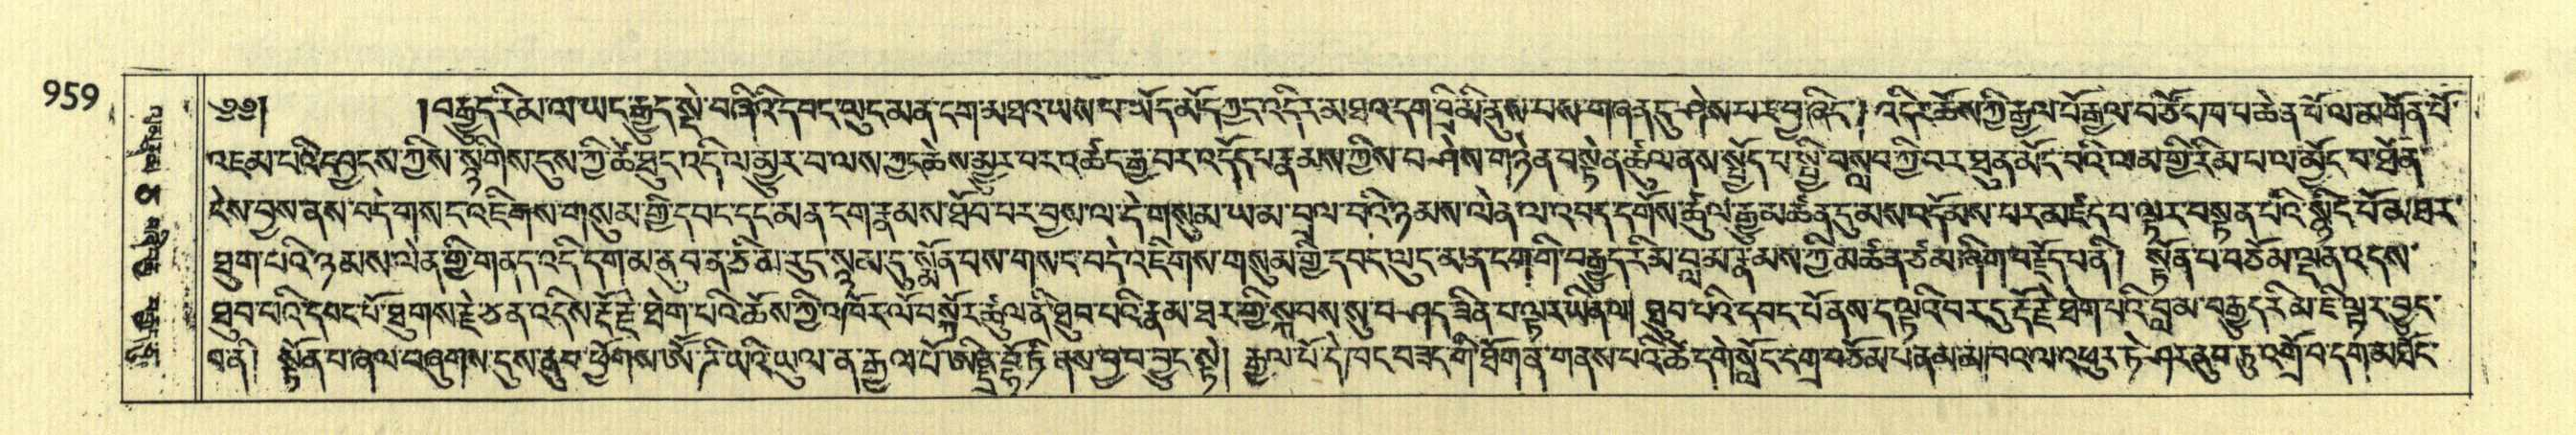༄༅། །བརྒྱུད་རིམ་ལ་ཡང་རྒྱུད་སྡེ་བཞིའི་དབང་ལུང་མན་ངག་མཐའ་ཡས་པ་ཡོད་མོད་ཀྱང་འདིར་མཐའ་དག་བྲི་མི་ནུས་པས་གཞན་དུ་ཤེས་པར་བྱ་ཞིང་། འདིར་ཆོས་ཀྱི་རྒྱལ་པོ་རྒྱལ་བ་ཙོང་ཁ་པ་ཆེན་པོ་ལ་མགོན་པོ་
འཇམ་པའི་དབྱངས་ཀྱིས་སྙིགས་དུས་ཀྱི་ཚེ་ཐུང་འདི་ལ་མྱུར་བ་ལས་ཀྱང་ཆེས་མྱུར་བར་འཚད་རྒྱ་བར་འདོད་པ་རྣམས་ཀྱིས་བཤེས་གཉེན་བསྟེན་ཚུལ་ནས་སྤྱོད་པ་སྤྱི་བསླབ་ཀྱི་བར་ཐུན་མོང་བའི་ལམ་གྱི་རིམ་པ་ལ་མྱོང་བ་ཐོན་
ངེས་བྱས་ནས་བདེ་གསང་འཇིགས་གསུམ་གྱི་དབང་དང་མན་ངག་རྣམས་ཐོབ་པར་བྱས་ལ་དེ་གསུམ་ཡ་མ་བྲལ་བའི་ཉམས་ལེན་ལ་འབད་དགོས་ཚུལ་རྒྱུ་མཚན་དུ་མས་འདོམས་པར་མཛད་པ་ལྟར་བསྟན་པའི་སྙིང་པོ་མཐར་
ཐུག་པའི་ཉམས་ལེན་གྱི་གནད་འདི་དག་མ་ནུབ་ན་ཅི་མ་རུང་སྙམ་དུ་སྨོན་པས་གསང་བདེ་འཇིགས་གསུམ་གྱི་དབང་ལུང་མན་ངག་གི་བརྒྱུད་རིམ་བླ་མ་རྣམས་ཀྱི་མཚན་ཙམ་ཞིག་བརྗོད་པ་ནི། སྟོན་པ་བཅོམ་ལྡན་འདས་
ཐུབ་པའི་དབང་པོ་ཐུགས་རྗེ་ཅན་འདིས་རྡོ་རྗེ་ཐེག་པའི་ཆོས་ཀྱི་འཁོར་ལོ་བསྐོར་ཚུལ་ནི་ཐུབ་པའི་རྣམ་ཐར་གྱི་སྐབས་སུ་བཤད་ཟིན་པ་ལྟར་ཡིན་ལ། ཐུབ་པའི་དབང་པོ་ནས་ད་ལྟའི་བར་དུ་རྡོ་རྗེ་ཐེག་པའི་བླ་མ་བརྒྱུད་རིམ་ཇི་ལྟར་བྱུང་
བ་ནི། སྟོན་པ་ཞལ་བཞུགས་དུས་ནུབ་ཕྱོགས་ཨཽ་ཌི་ཡའི་ཡུལ་ན་རྒྱལ་པོ་ཨིནྡྲ་བྷོ་ཏི་ནས་བྱ་བ་བྱུང་སྟེ། རྒྱལ་པོ་དེ་ཁང་བཟང་གི་ཐོག་ན་གནས་པའི་ཚེ་དགེ་སློང་དགྲ་བཅོམ་པ་ནམ་མཁའ་ལ་འཕུར་ཏེ་ཤར་ནུབ་ཏུ་འགྲོ་བ་དག་མཐོང་